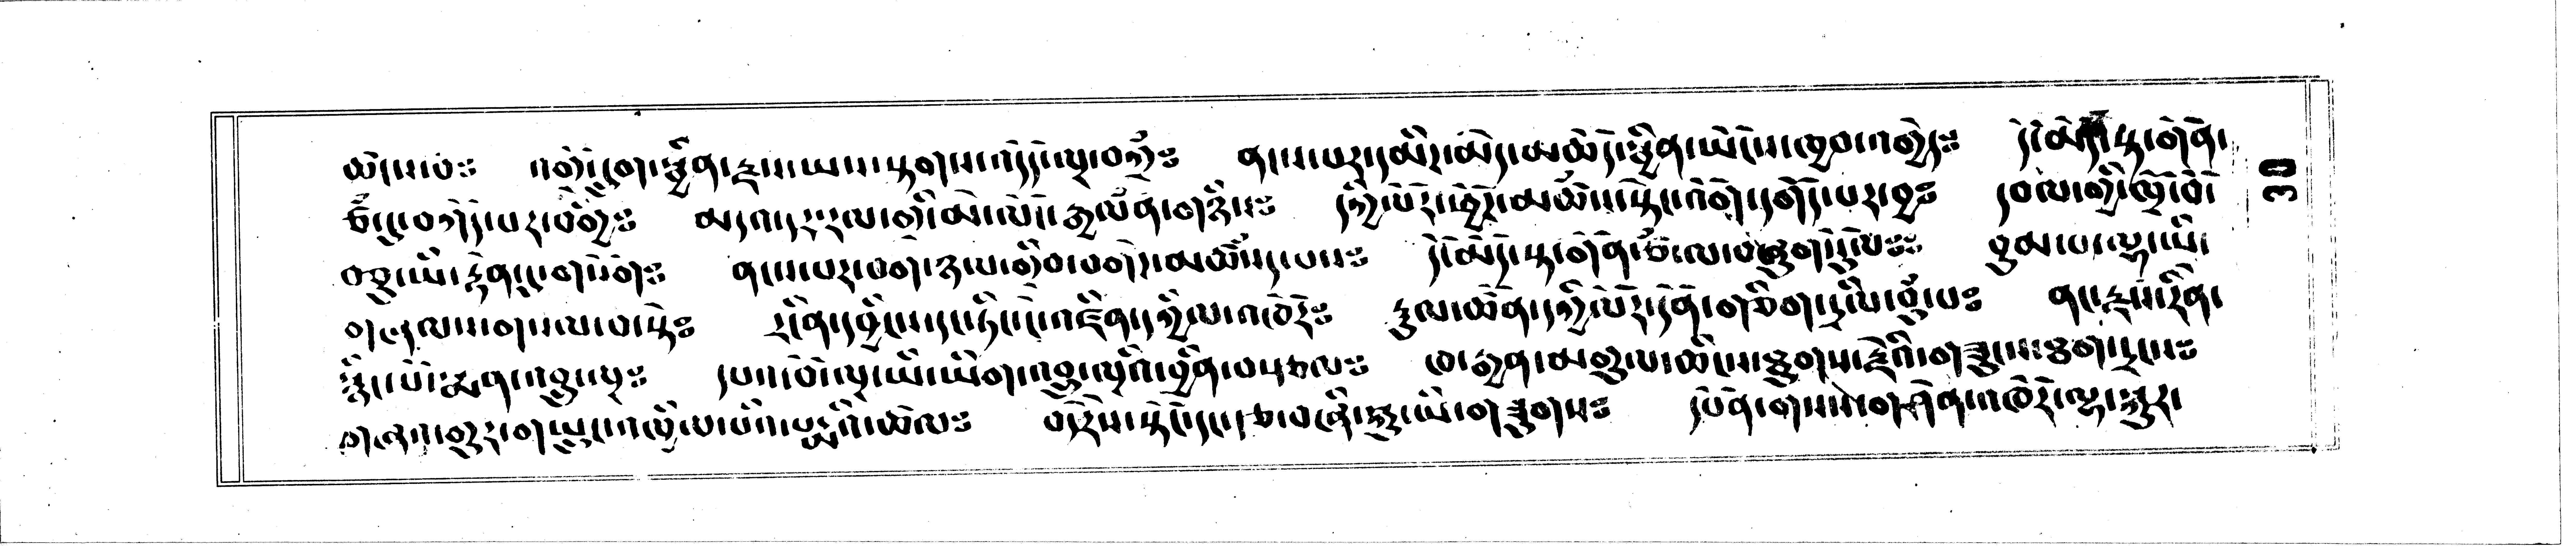ཚང་བཿ འགྲོ་དྲུག་སྦྱིན་རྫས་ཡར་སྟེགས་འདོད་ལྔ་བཀྲམཿ ནང་པར་དམིགས་མེད་མཆོད་སྦྱིན་ཡོངས་ཁྱབ་མཛདཿ དོ་མོད་སྟ་གོན་
ཙམ་དུ་བཀོད་པར་བགྱིཿ མདའ་དར་རལ་གྲི་མེ་ལོང་རྒྱལ་མཚན་གཉིསཿ དཀྱིལ་འཁོར་ཕྱོགས་མཚམས་སྟེང་འོག་དགོད་པར་བྱཿ དབལ་གྱི་ཁྲོ་བོ་
བཅུ་ཡི་རྟེན་དུ་གསོགཿ ནང་པར་བག་ཉལ་གྲིབ་བགེགས་མཚམས་བཅད་པསཿ དོ་མོད་སྟ་གོན་ཙམ་ལ་བཞུགས་སུ་གསོལཿ བུམ་པ་ལྷ་ཡི་
གཞལ་ཡས་གསལ་བ་སྟེཿ རང་བཞིན་དབྱིངས་དང་ཏིང་ངེ་འཛིན་དཀྱིལ་འཁོརཿ རྡུལ་ཚོན་དཀྱིལ་འཁོར་དོན་གཅིག་དྲིལ་བུམ་པཿ ནང་རྫས་རིན་ཆེན་
སྙིང་པོ་སྨན་འབྲུ་ལྔཿ དཔའ་བོ་ལྔ་ཡི་ཡིག་འབྲུ་ལྔས་བྱིན་སྩལཿ ཁ་རྒྱན་འགུལ་ཆིངས་ཐུགས་རྗེའི་གཟུང་ཐག་དྲངསཿ 
གཞའ་གུར་གཡུང་དྲུང་འཁྱིལ་བའི་པད་མའི་ཚལཿ བདེར་གཤེགས་སྟོང་དང་རྩ་བཞི་སྐུ་ཡི་གཟུགསཿ དཔོན་གསས་གཤེན་འཁོར་ལྷ་སྐུར་